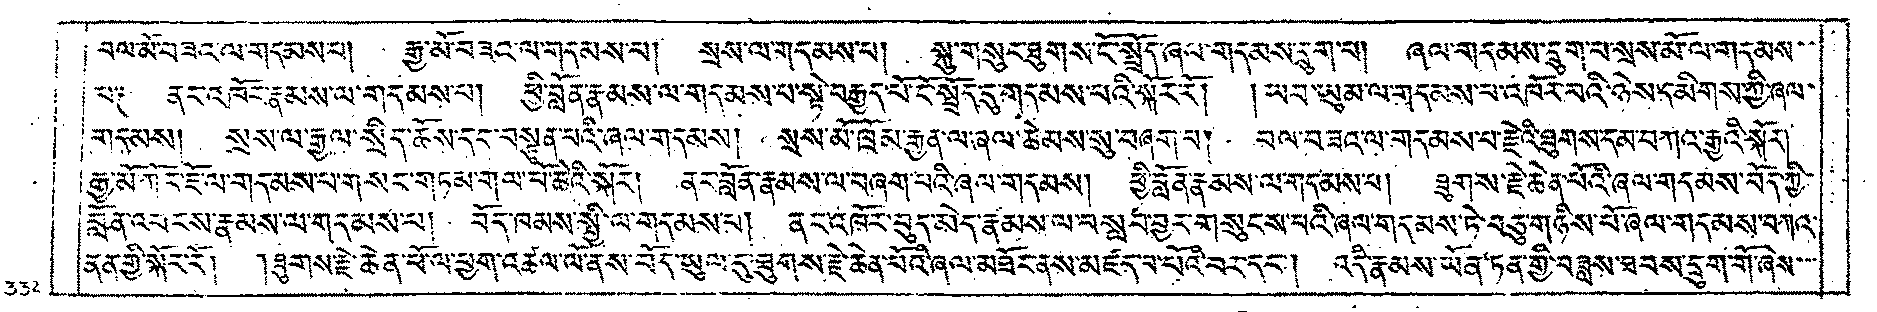བལ་མོ་བཟའ་ལ་གདམས་པ། རྒྱ་མོ་བཟའ་ལ་གདམས་པ། སྲས་ལ་གདམས་པ། སྐུ་གསུང་ཐུགས་ངོ་སྤྲོད་ཞལ་གདམས་དྲུག་པ། ཞལ་གདམས་དྲུག་པ་སྲས་མོ་ལ་གདམས་
པ༑ ནང་འཁོར་རྣམས་ལ་གདམས་པ། ཕྱི་བློན་རྣམས་ལ་གདམས་པ་སྟེ་བརྒྱད་པོ་ངོ་སྤྲོད་དུ་གདམས་པའི་སྐོར་རོ། །ཡབ་ཡུམ་ལ་གདམས་པ་འཁོར་བའི་ཉེས་དམིགས་ཀྱི་ཞལ་
གདམས། སྲས་ལ་རྒྱལ་སྲིད་ཆོས་དང་བསྟུན་པའི་ཞལ་གདམས། སྲས་མོ་ཁྲོམ་རྒྱན་ལ་ཞལ་ཆེམས་སུ་བཞག་པ། བལ་བཟའ་ལ་གདམས་པ་རྗེའི་ཐུགས་དམ་བཀའ་རྒྱའི་སྐོར།
རྒྱ་མོ་ཀོང་ཇོ་ལ་གདམས་པ་གསང་གཏམ་གལ་པོ་ཆེའི་སྐོར། ནང་བློན་རྣམས་ལ་བཞག་པའི་ཞལ་གདམས། ཕྱི་བློན་རྣམས་ལ་གདམས་པ། ཐུགས་རྗེ་ཆེན་པོའི་ཞལ་གདམས་བོད་ཀྱི་
བློན་འབངས་རྣམས་ལ་གདམས་པ། བོད་ཁམས་སྤྱི་ལ་གདམས་པ། ནང་འཁོར་བུད་མེད་རྣམས་ལ་བསླབ་བྱར་གསུངས་པའི་ཞལ་གདམས་ཏེ་བཅུ་གཉིས་པོ་ཞལ་གདམས་བཀའ་
ནན་གྱི་སྐོར་རོ། །ཐུགས་རྗེ་ཆེན་པོ་ལ་ཕྱག་འཚལ་ལོ་ནས་བོད་ཡུལ་དུ་ཐུགས་རྗེ་ཆེན་པོའི་ཞལ་མཐོང་ནས་མཛད་པ་པོའི་བར་དང་། འདི་རྣམས་ཡོན་ཏན་གྱི་བཟླས་ཐབས་དྲུག་གོ་ཞེས་